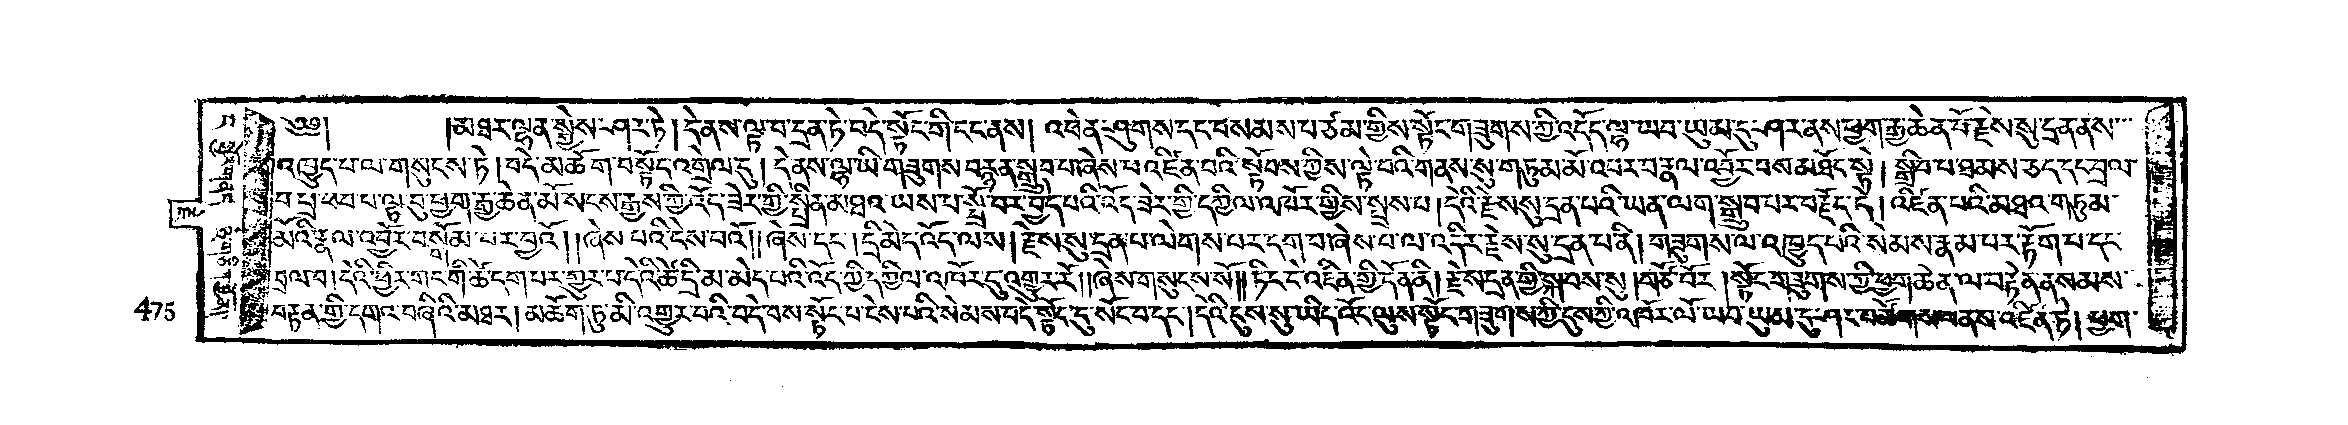༄༅། །མཐར་ལྷན་སྐྱེས་ཤར་ཏེ། དེ་ནས་ལྟ་བ་དྲན་ཏེ་བདེ་སྟོང་གི་ངང་ནས། འཕེན་ཤུགས་དང་བསམས་པ་ཙམ་གྱིས་སྟོང་གཟུགས་ཀྱི་འདོད་ལྷ་ཡབ་ཡུམ་དུ་ཤར་ནས་ཕྱག་རྒྱ་ཆེན་པོ་རྗེས་སུ་དྲན་ནས་
འཁྱུད་པ་ལ་གསུངས་ཏེ། བདེ་མཆོག་བསྟོད་འགྲེལ་དུ། དེ་ནས་ལྷ་ཡི་གཟུགས་བརྙན་སྒྲུབ་པ་ཞེས་པ་འཛིན་པའི་སྟོབས་ཀྱིས་ལྟེ་བའི་གནས་སུ་གཏུམ་མོ་འབར་བ་རྣལ་འབྱོར་བས་མཐོང་སྟེ། སྒྲིབ་པ་ཐམས་ཅད་དང་བྲལ་
བ་པྲ་ཕབ་པ་ལྟ་བུ་ཕྱག་རྒྱ་ཆེན་མོ་སངས་རྒྱས་ཀྱི་འོད་ཟེར་གྱི་སྤྲིན་མཐའ་ཡས་པ་སྤྲོ་བར་བྱེད་པའི་འོད་ཟེར་གྱི་དཀྱིལ་འཁོར་གྱིས་སྤྲས་པ། དེའི་རྗེས་སུ་དྲན་པའི་ཡན་ལག་སྒྲུབ་པར་བརྗོད་དེ། འཛིན་པའི་མཐའ་གཏུམ་
མོའི་རྣལ་འབྱོར་བསྒོམ་པར་བྱའོ། །ཞེས་པའི་ངེས་པའོ། །ཞེས་དང་། དྲི་མེད་འོད་ལས། རྗེས་སུ་དྲན་པ་ལེགས་པར་དག་པ་ཞེས་པ་ལ་འདིར་རྗེས་སུ་དྲན་པ་ནི། གཟུགས་ལ་འཁྱུད་པའི་སེམས་རྣམ་པར་རྟོག་པ་དང་
བྲལ་བ། དེའི་ཕྱིར་གང་གི་ཚེ་དག་པར་གྱུར་པ་དེའི་ཚེ་དྲི་མ་མེད་པའི་འོད་ཀྱི་དཀྱིལ་འཁོར་དུ་འགྱུར་རོ། །ཞེས་གསུངས་སོ། །ཏིང་ངེ་འཛིན་གྱི་དོན་ནི། རྗེས་དྲན་གྱི་སྐབས་སུ། གཙོ་བོར། སྟོང་གཟུགས་ཀྱི་ཕྱག་ཆེན་ལ་བརྟེན་ནས་མས་
བརྟན་གྱི་དགའ་བཞིའི་མཐར། མཆོག་ཏུ་མི་འགྱུར་བའི་བདེ་བས་སྟོང་པ་ངེས་པའི་སེམས་བདེ་སྟོང་དུ་སོང་བ་དང་། དེའི་དུས་སུ་ཡིད་འོང་ལུས་སྟོང་གཟུགས་ཀྱི་དུས་ཀྱི་འཁོར་ལོ་ཡབ་ཡུམ་དུ་ཤར་བ་ཚོགས་པ་ནས་འཛིན་ཏེ། ཕྱག་